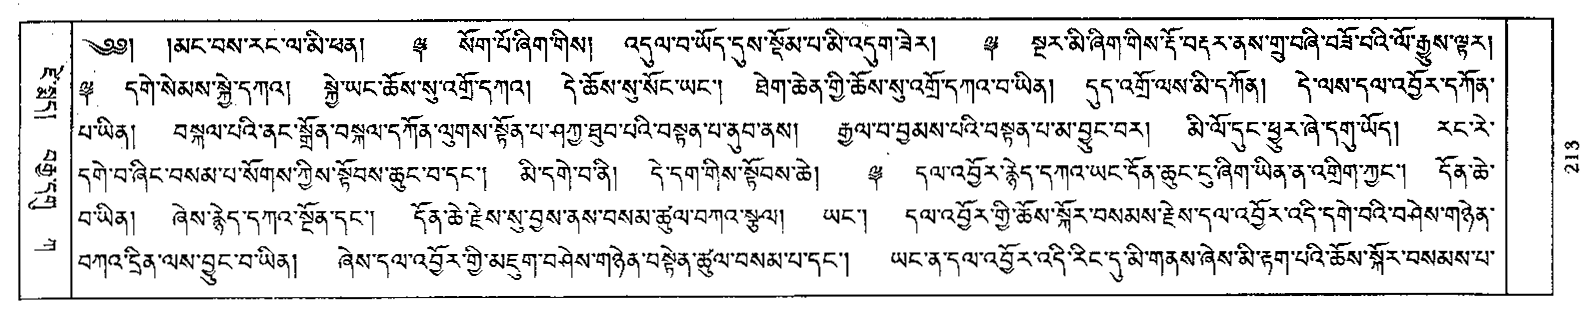༄༅། །མང་བས་རང་ལ་མི་ཕན། ༈ སོག་པོ་ཞིག་གིས། འདུལ་བ་ཡོད་དུས་སྡོམ་པ་མི་འདུག་ཟེར། ༈ སྔར་མི་ཞིག་གིས་རྡོ་བརྡར་ནས་གྲུ་བཞི་བཟོ་བའི་ལོ་རྒྱུས་ལྟར།
༈ དགེ་སེམས་སྐྱེ་དཀའ། སྐྱེ་ཡང་ཆོས་སུ་འགྲོ་དཀའ། དེ་ཆོས་སུ་སོང་ཡང་། ཐེག་ཆེན་གྱི་ཆོས་སུ་འགྲོ་དཀའ་བ་ཡིན། དུད་འགྲོ་ལས་མི་དཀོན། དེ་ལས་དལ་འབྱོར་དཀོན་
པ་ཡིན། བསྐལ་པའི་ནང་སྒྲོན་བསྐལ་དཀོན་ལུགས་སྟོན་པ་ཤཀྱ་ཐུབ་པའི་བསྟན་པ་ནུབ་ནས། རྒྱལ་བ་བྱམས་པའི་བསྟན་པ་མ་བྱུང་བར། མི་ལོ་དུང་ཕྱུར་ཞེ་དགུ་ཡོད། རང་རེ་
དགེ་བ་ཞིང་བསམ་པ་སོགས་ཀྱིས་སྟོབས་ཆུང་བ་དང་། མི་དགེ་བ་ནི། དེ་དག་གིས་སྟོབས་ཆེ། ༈ དལ་འབྱོར་རྙེད་དཀའ་ཡང་དོན་ཆུང་ངུ་ཞིག་ཡིན་ན་འགྲིག་ཀྱང་། དོན་ཆེ་
བ་ཡིན། ཞེས་རྙེད་དཀའ་སྔོན་དང་། དོན་ཆེ་རྗེས་སུ་བྱས་ནས་བསམ་ཚུལ་བཀའ་སྩལ། ཡང་། དལ་འབྱོར་གྱི་ཆོས་སྐོར་བསམས་རྗེས་དལ་འབྱོར་འདི་དགེ་བའི་བཤེས་གཉེན་
བཀའ་དྲིན་ལས་བྱུང་བ་ཡིན། ཞེས་དལ་འབྱོར་གྱི་མཇུག་བཤེས་གཉེན་བསྟེན་ཚུལ་བསམ་པ་དང་། ཡང་ན་དལ་འབྱོར་འདི་རིང་དུ་མི་གནས་ཞེས་མི་རྟག་པའི་ཆོས་སྐོར་བསམས་པ་